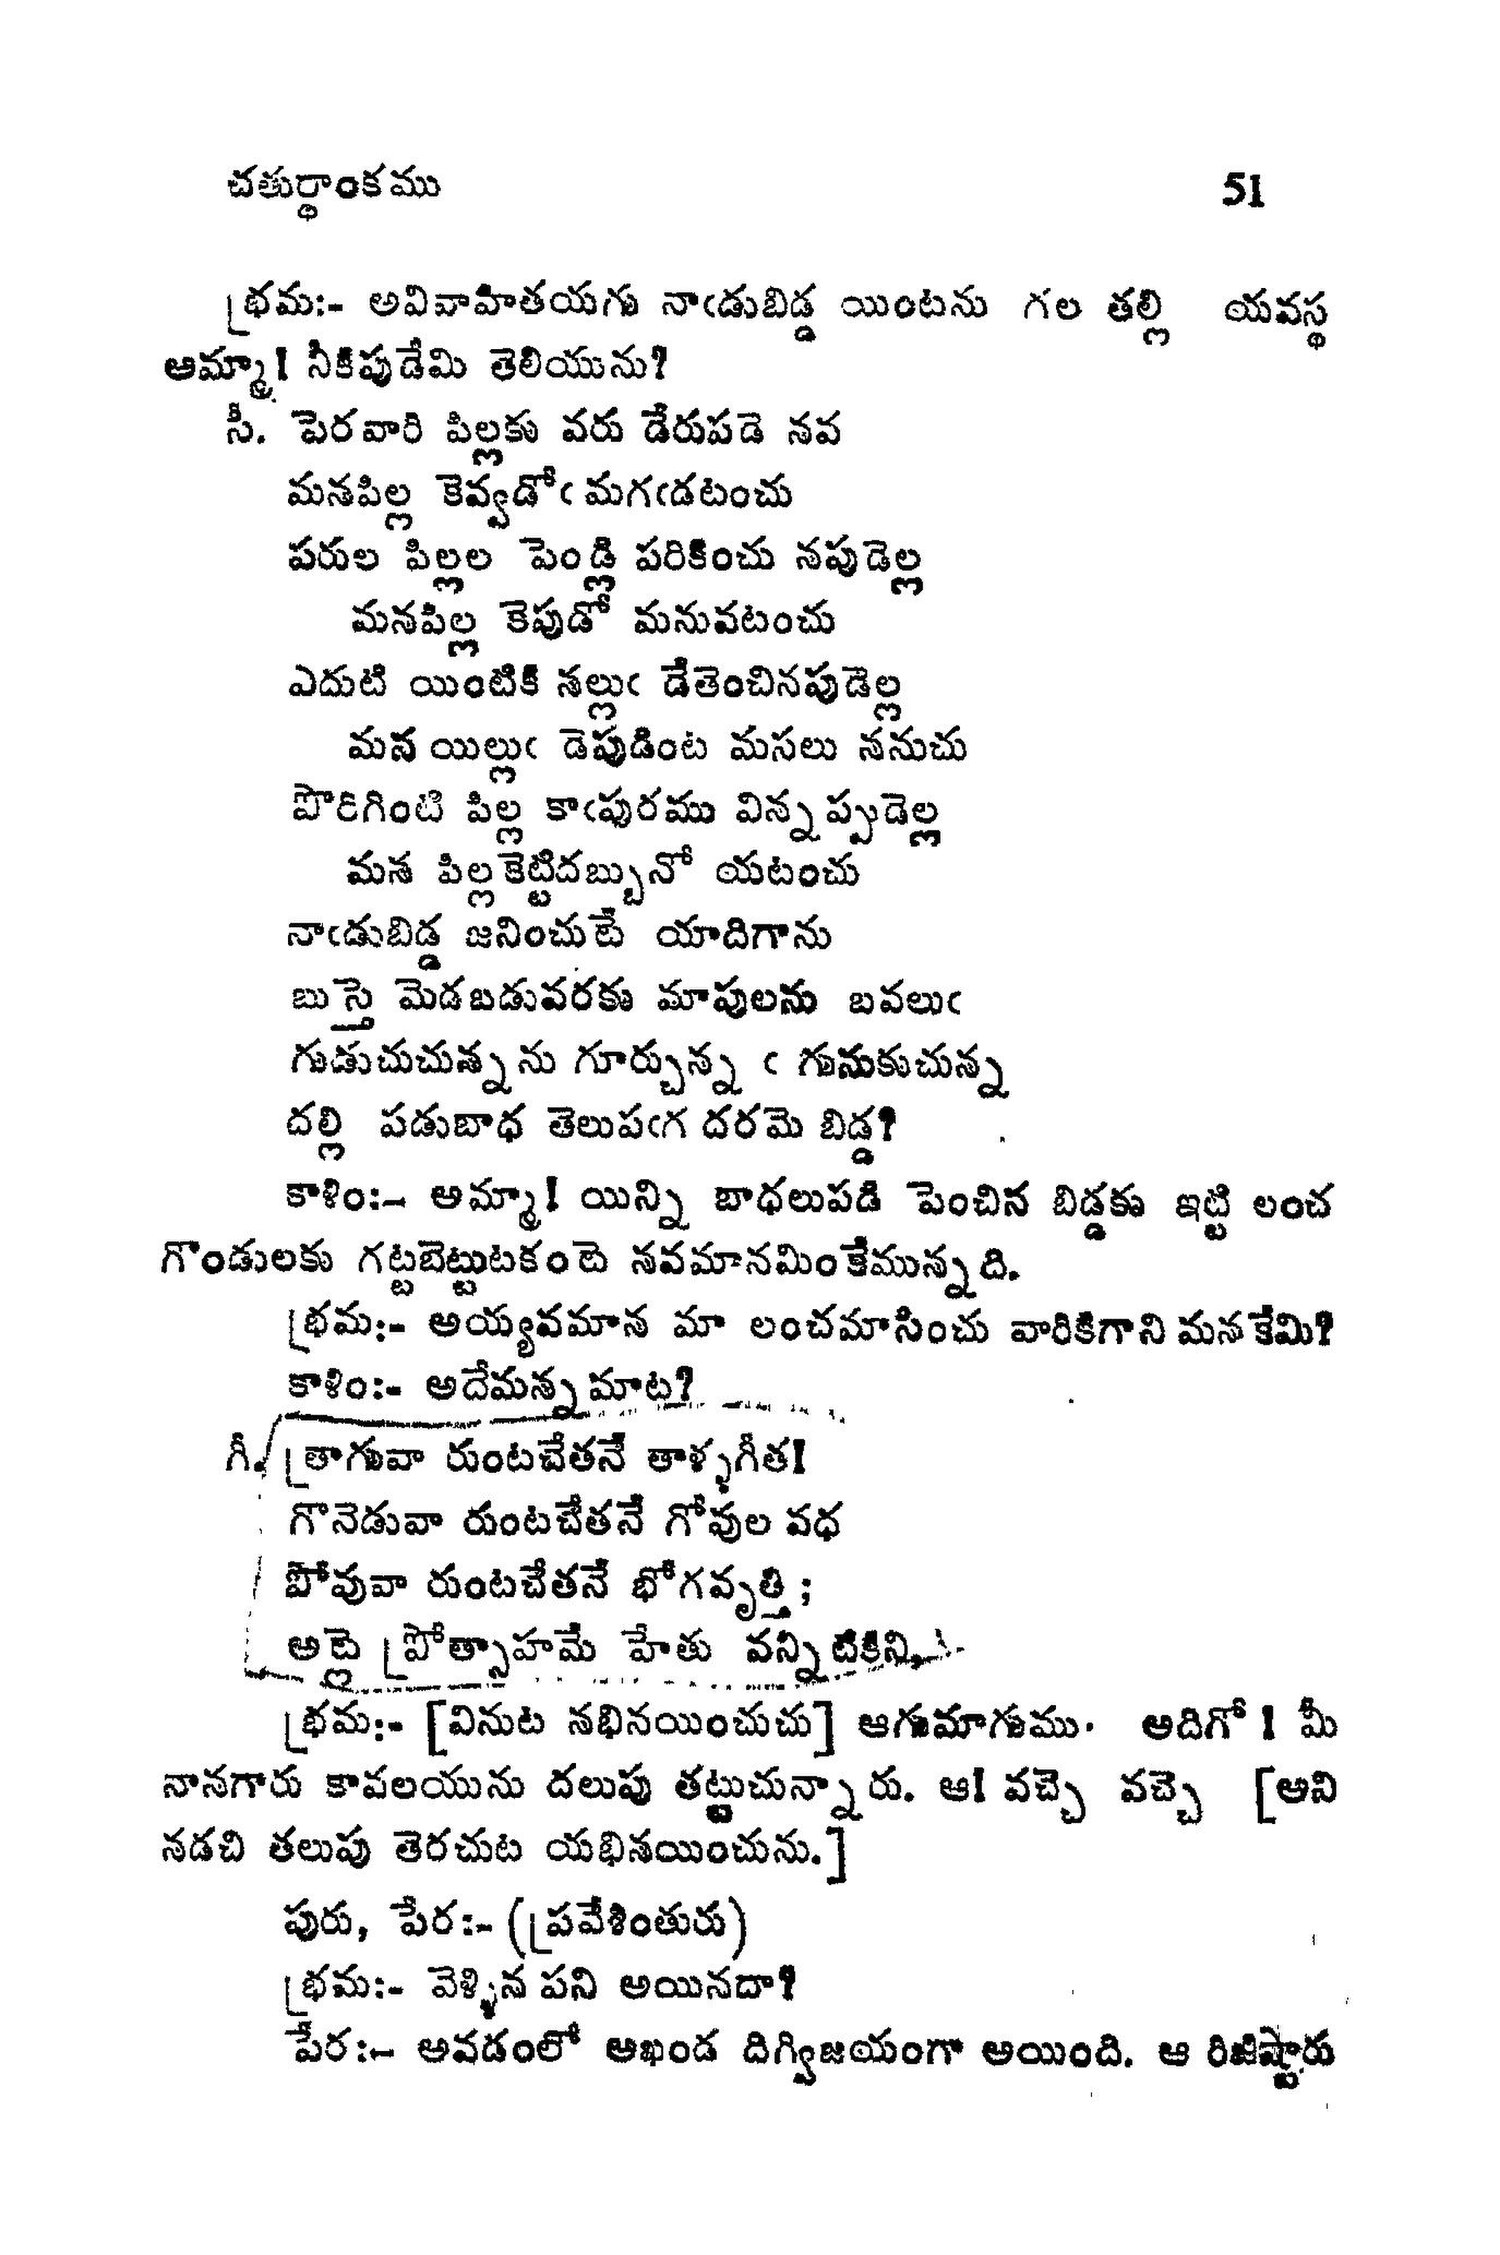భ్రమ :- అవివాహితయగు నాఁడుబిడ్డ యింటను గల తల్లి యవస్థ అమ్మా! నీకిపుడేమి తెలియును?

సీ. పెరవారి పిల్లకు వరు డేరుపడె నవ
 మనపిల్ల కెవ్వడోఁ మగఁడటంచు
 పరుల పిల్లల పెండ్లి పరికించు నపుడెల్ల
 మనపిల్ల కెప్పుడో మనువటంచు
 ఎదుటి యింటికి నల్లుఁ డేతెంచినపుడెల్ల
 మన యిల్లుఁ డెపుడింట మసలు ననుచు
 పొరుగింటి పిల్ల కాఁపురము విన్నప్పుడెల్ల
 మనపిల్ల కెట్టిదబ్బునో యటంచు

 నాఁడుబిడ్డ జనించుటే యాదిగాను
 బుస్తె మెడబడువరకు మాపులను బవలుఁ
 గుడుచుచున్నను గూర్చున్నఁ గునుకుచున్నఁ
 దల్లి పడుబాధ తెలుపఁగఁ దరమె బిడ్డ?

కాళిం :- అమ్మా! యిన్ని బాధలుపడి పెంచిన బిడ్డకు ఇట్టి లంచగొండులకు గట్టబెట్టుటకంటె నవమానమింకేమున్నది.

భ్రమ :- అయ్యవమాన మా లంచమాసించు వారికిగాని మనకేమి?

కాళిం :- అదేమన్నమాట?

గీ. త్రాగువా రుంటచేతనే తాళ్ళగీత!
 గొనెడువా రుంటచేతనే గోవుల వధ
 పోవువా రుంటచేతనే - భోగవృత్తి
 అట్లె ప్రోత్సాహమే హేతు వన్నిటికిని.

భ్రమ :- (వినుట నభినయించుచు) ఆగుమాగుము. అదిగో! మీ నానగారు కావలయును దలుపు తట్టుచున్నారు. ఆ! వచ్చె వచ్చె. (అని నడచి తలుపు తెరచుట యభినయించును.)

పురు, పేర :- (ప్రవేశింతురు.)

భ్రమ :- వెళ్ళిన పని అయినదా?

పేర :- అవడంలో అఖండ దిగ్విజయంగా అయింది. ఆ రిజిష్టారు